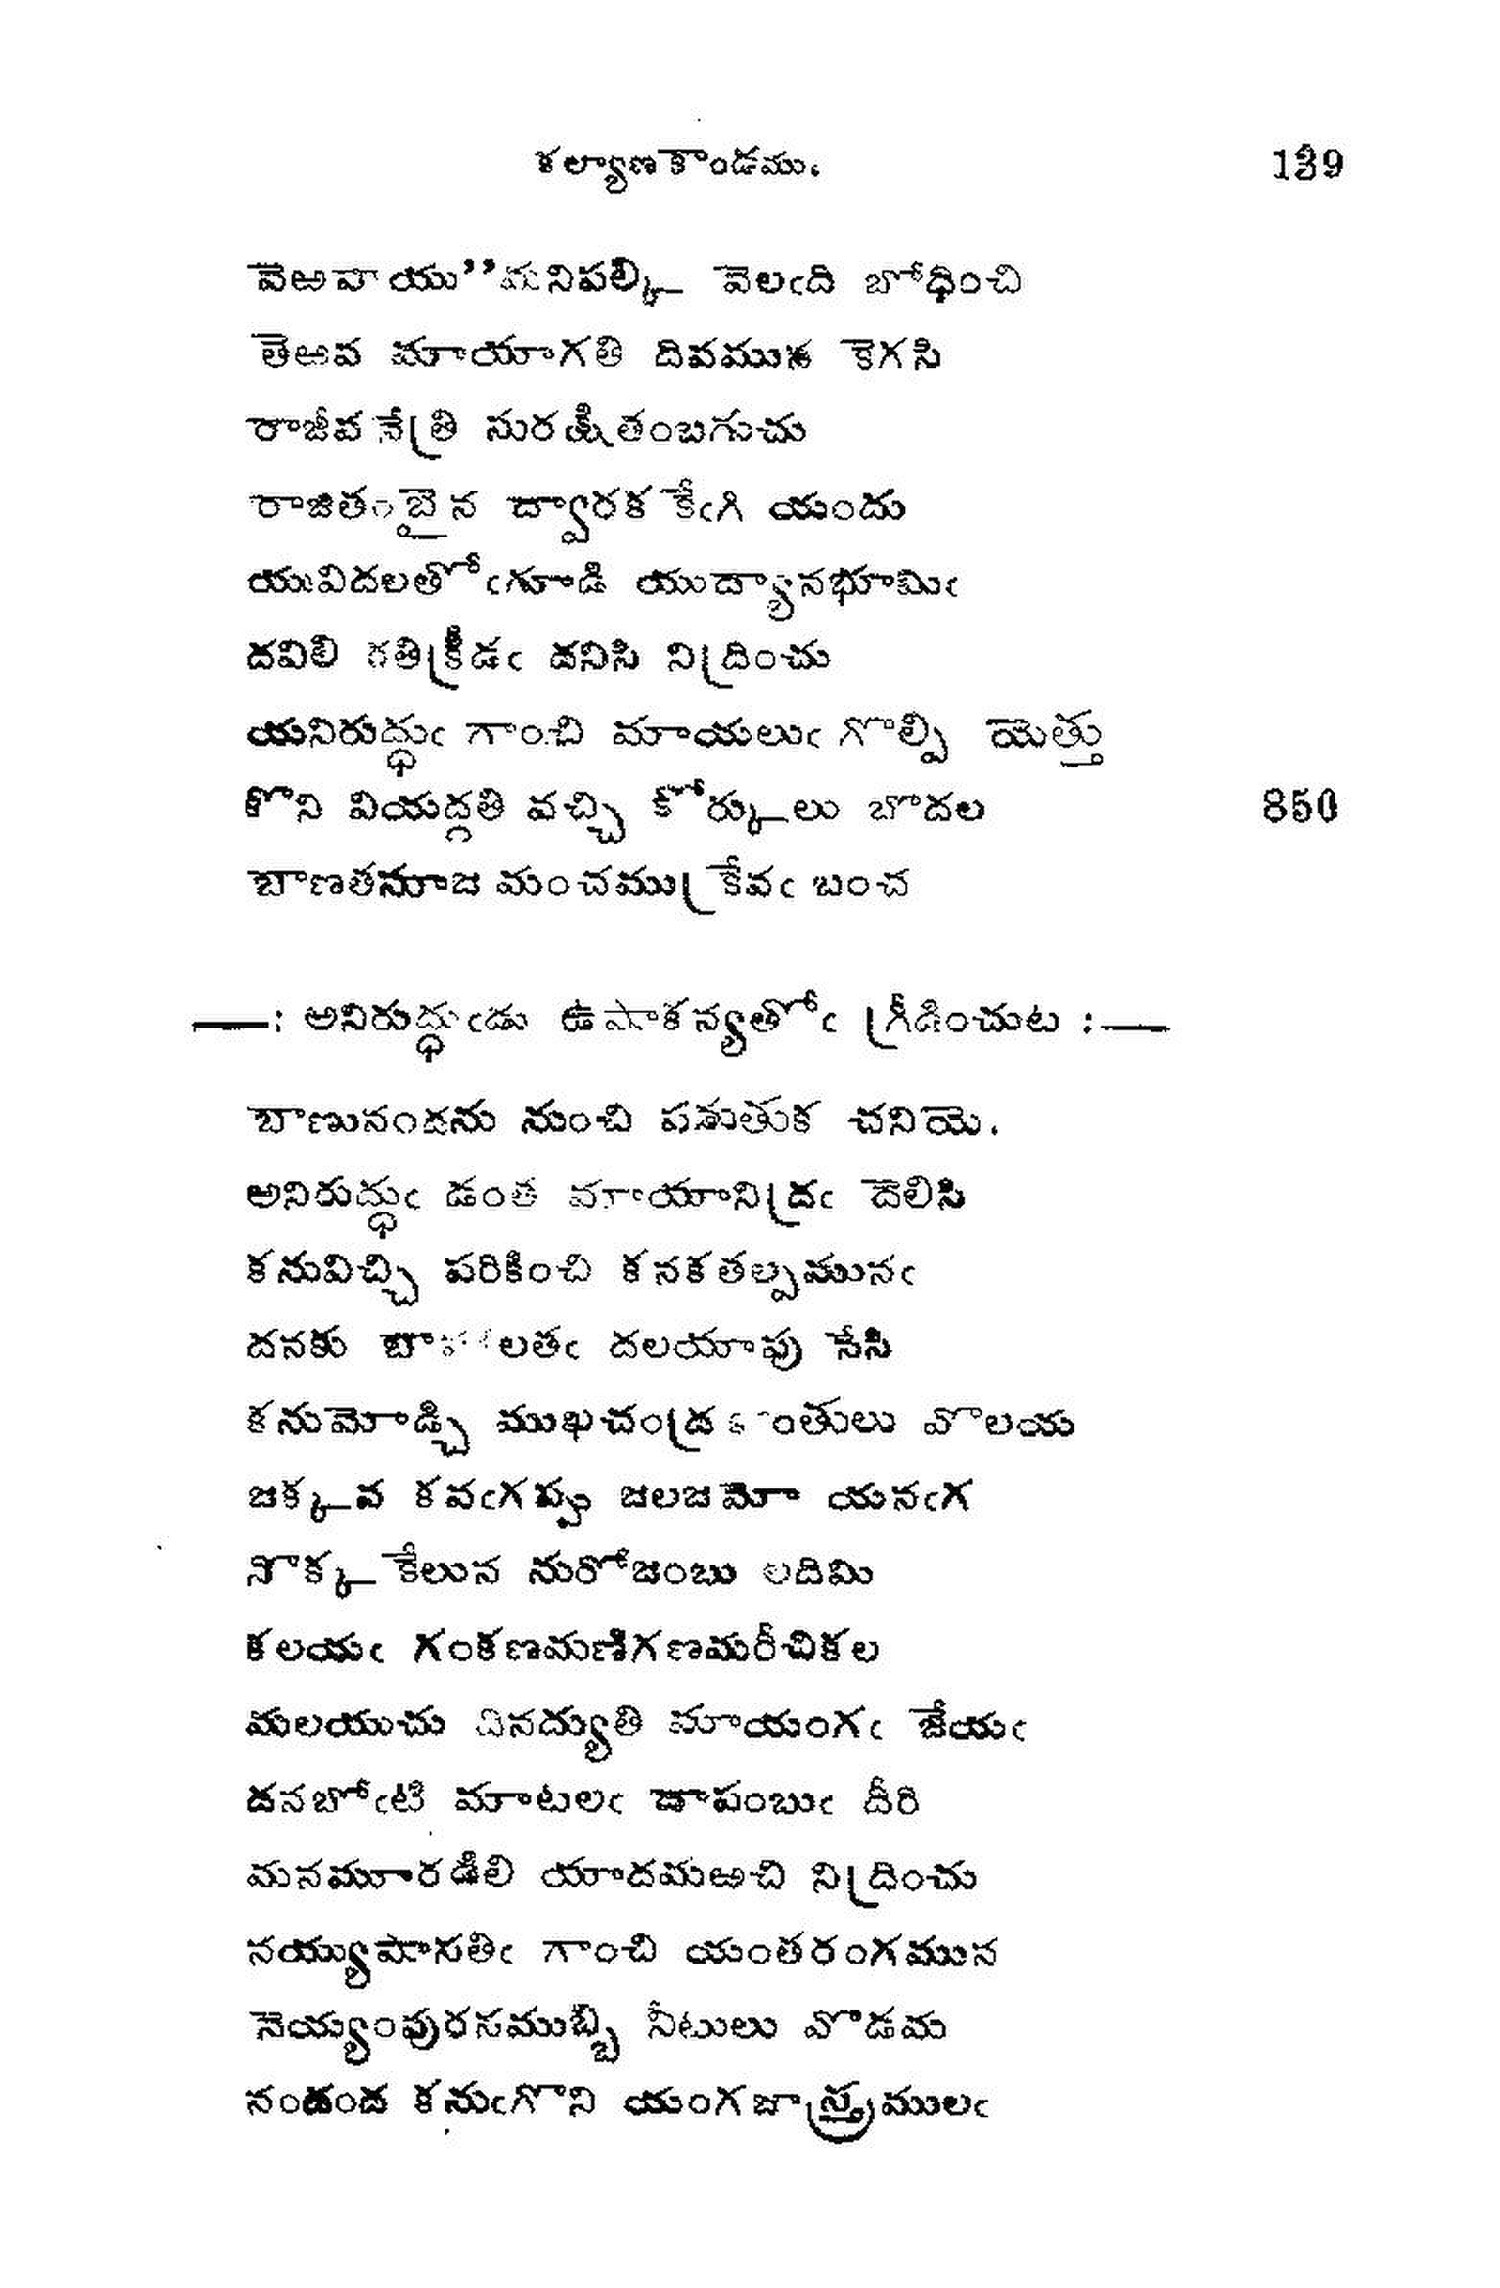వెఱవాయు”మనిపల్కి వెలఁది బోధించి
తెఱవ మాయాగతి దివమున కెగసి
రాజీవనేత్రి సురక్షితంబగుచు
రాజితంబైన ద్వారకకేఁగి యందు
యువిదలతోఁగూడి యుద్యానభూమిఁ
దవిలి రతిక్రీడఁ దనిసి నిద్రించు
యనిరుద్ధుఁగాంచి మాయలుఁగొల్పి యెత్తు
కొని వియద్గతి వచ్చి కోర్కులు బొదల
బాణతనూజ తల్పము క్రేవఁబంచ

బాణునందను నుంచి పడుతుక చనియె. 
అనిరుద్ధుఁడంత మాయానిద్రఁ దెలసి
కనువిచ్చి పరికించి కనకతల్పమునఁ
దనకు బాపకలతఁ దలయాపు సేసి
కనుమోడ్చి ముఖచంద్రకాంతులు వొలయ
జక్కవ కవఁగప్పు జలజమో యనఁగ
నొక్క కేలునను నురోజంబులదిమి
కలయఁ గంకణమణిగణమరీచికల
మలయుచు దిన ద్యుతి మాయంగఁ జేయుఁ
దనబోఁటి మాటలఁ దాపంబుఁ దీరి
మనమూరడిలి యాదమఱచి నిద్రించు
నయ్యుషాసతిఁగాంచి యంతరంగమున
నెయ్యంపురసముబ్బి నీటులు వొడమ
నందంద కనుఁగొని యంగజాస్త్రములఁ